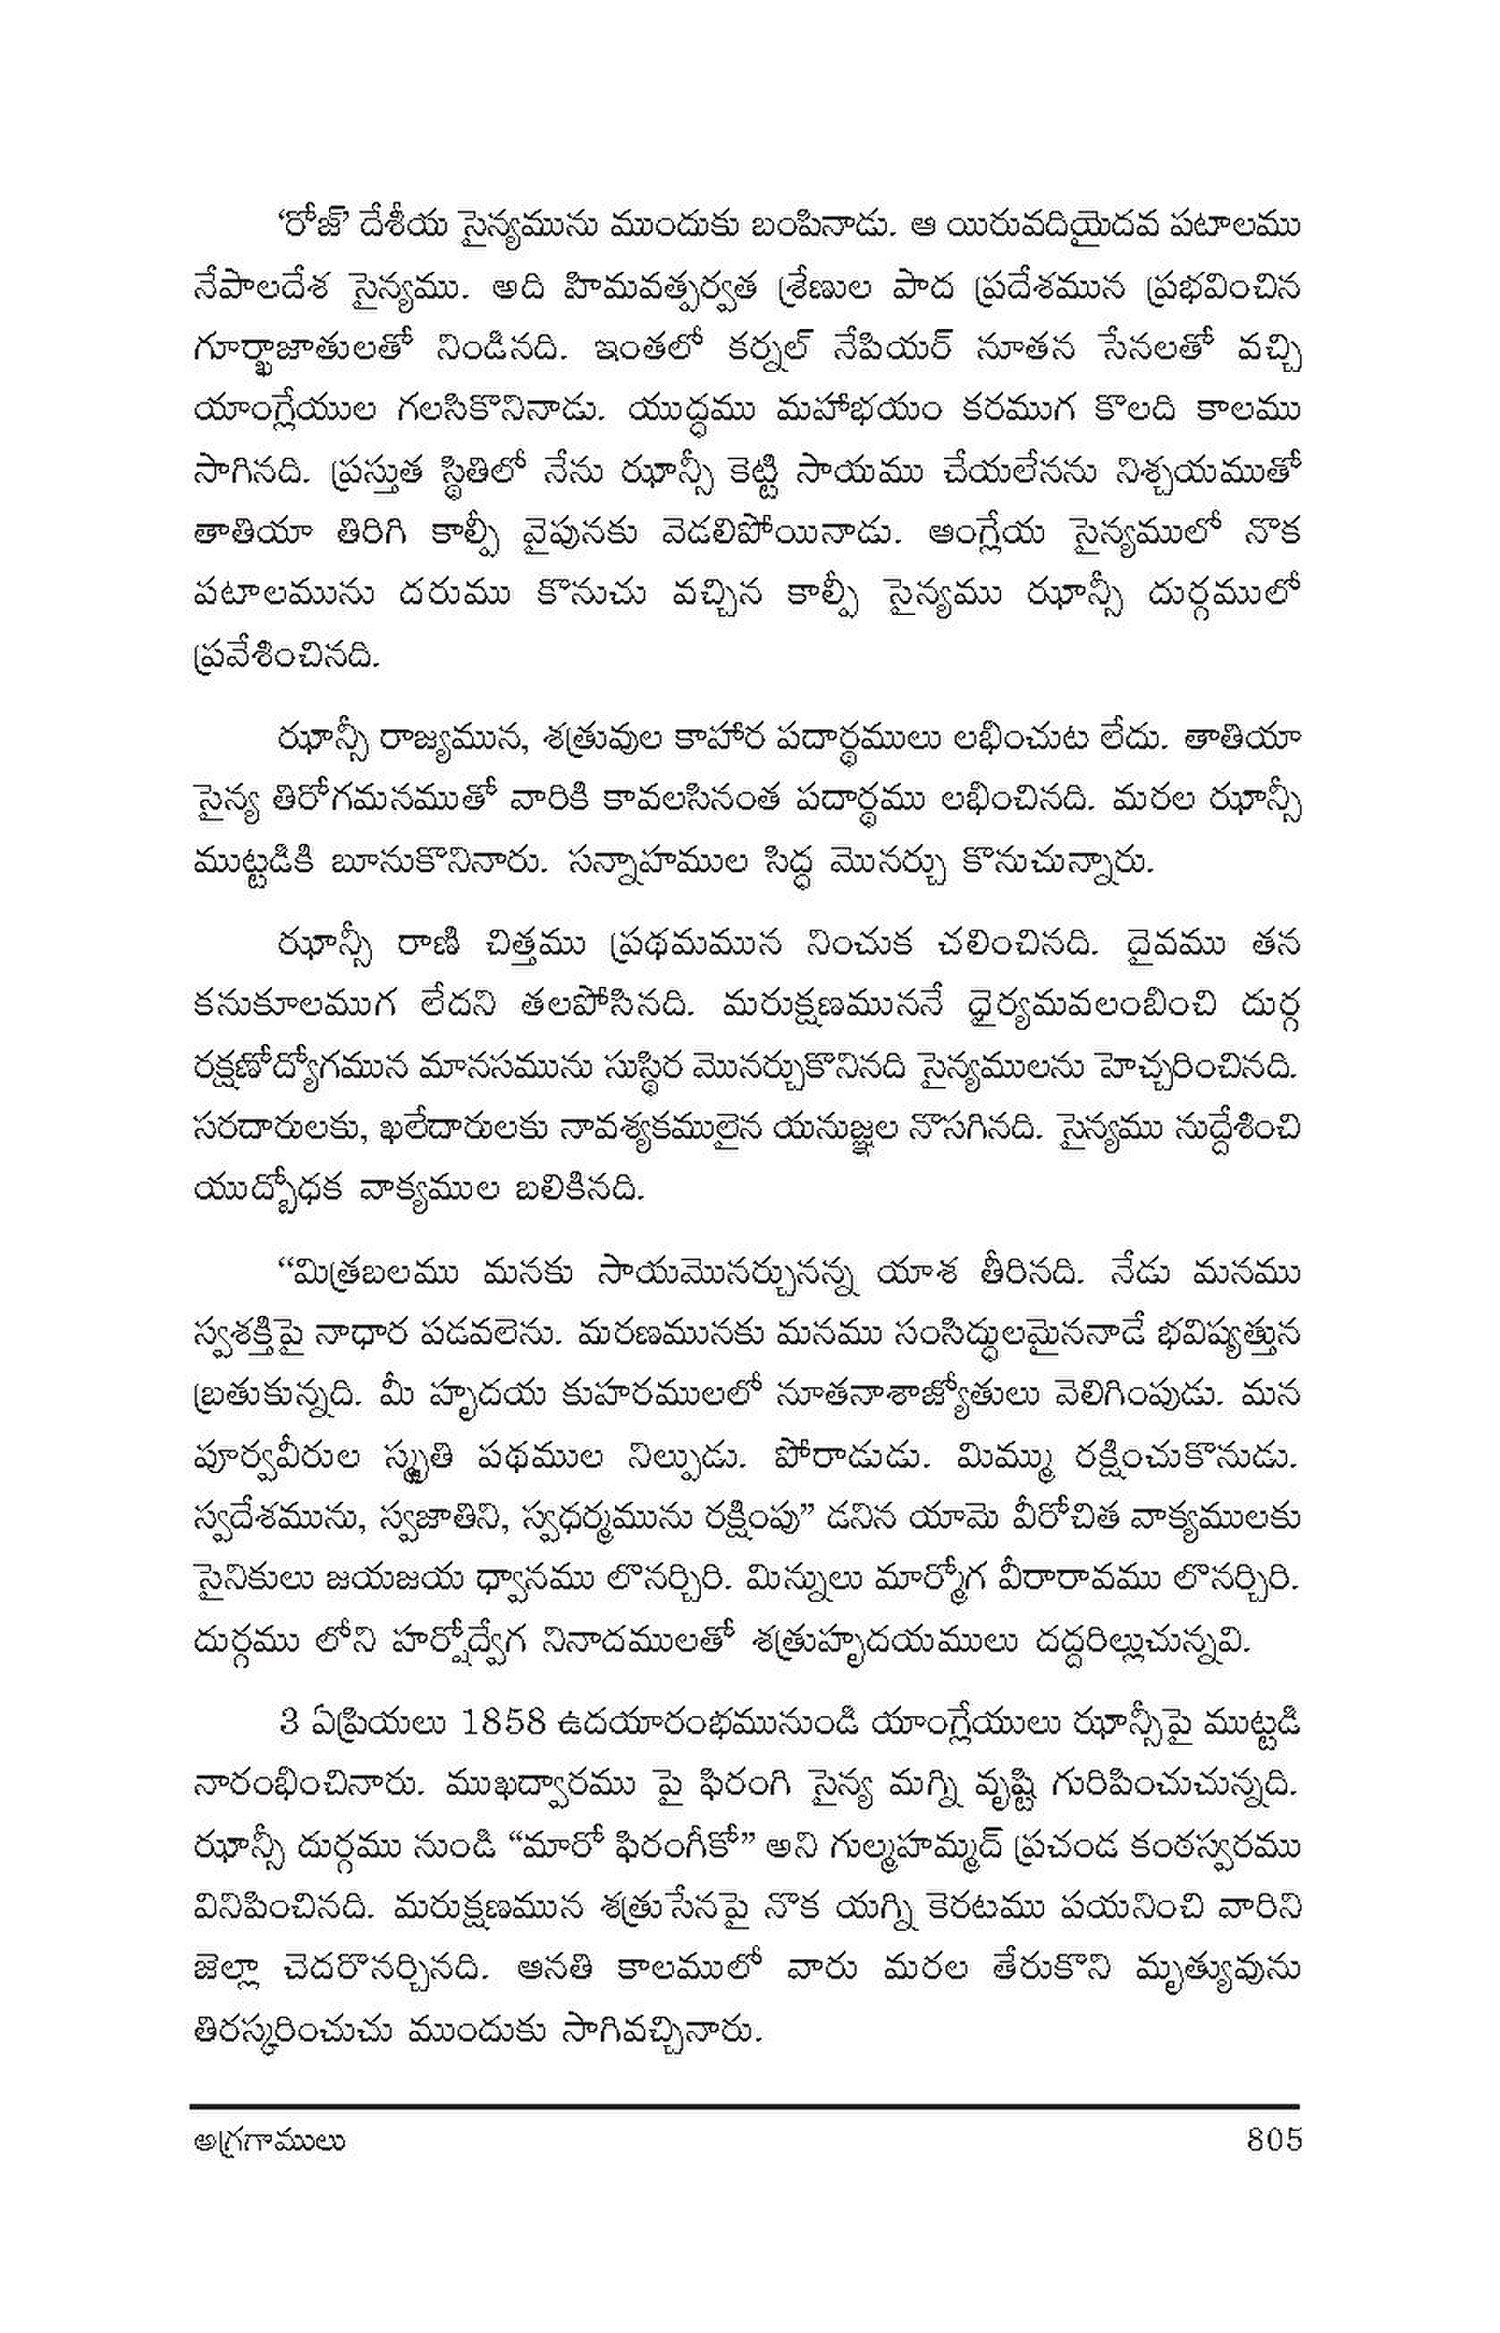'రోజ్' దేశీయ సైన్యమును ముందుకు బంపినాడు. ఆ యిరువదియైదవ పటాలము నేపాలదేశ సైన్యము. అది హిమవత్పర్వత శ్రేణుల పాద ప్రదేశమున ప్రభవించిన గూర్ఖాజాతులతో నిండినది. ఇంతలో కర్నల్ నేపియర్ నూతన సేనలతో వచ్చి యాంగ్లేయుల గలసికొనినాడు. యుద్ధము మహాభయం కరముగ కొలది కాలము సాగినది. ప్రస్తుత స్థితిలో నేను ఝాన్సీ కెట్టి సాయము చేయలేనను నిశ్చయముతో తాతియా తిరిగి కాల్పీ వైపునకు వెడలిపోయినాడు. ఆంగ్లేయ సైన్యములో నొక పటాలమును రుము కొనుచు వచ్చిన కాల్పీ సైన్యము ఝాన్సీ దుర్గములో ప్రవేశించినది.

ఝాన్సీ రాజ్యమున, శత్రువుల కాహార పదార్థములు లభించుట లేదు. తాతియా సైన్య తిరోగమనముతో వారికి కావలసినంత పదార్థము లభించినది. మరల ఝాన్సీ ముట్టడికి బూనుకొనినారు. సన్నాహముల సిద్ధ మొనర్చు కొనుచున్నారు.

ఝాన్సీ రాణి చిత్తము ప్రథమమున నించుక చలించినది. దైవము తన కనుకూలముగ లేదని తలపోసినది. మరుక్షణముననే ధైర్యమవలంబించి దుర్గ రక్షణోద్యోగమున మానసమును సుస్థిర మొనర్చుకొనినది సైన్యములను హెచ్చరించినది. సరదారులకు, ఖలేదారులకు నావశ్యకములైన యనుజ్ఞల నొసగినది. సైన్యము నుద్దేశించి యుద్బోధక వాక్యముల బలికినది.

"మిత్రబలము మనకు సాయమొనర్చునన్న యాశ తీరినది. నేడు మనము స్వశక్తిపై నాధార పడవలెను. మరణమునకు మనము సంసిద్ధులమైననాడే భవిష్యత్తున బ్రతుకున్నది. మీ హృదయ కుహరములలో నూతనాశాజ్యోతులు వెలిగింపుడు. మన పూర్వవీరుల స్మృతి పథముల నిల్పుడు. పోరాడుడు. మిమ్ము రక్షించుకొనుడు. స్వదేశమును, స్వజాతిని, స్వధర్మమును రక్షింపు" డనిన యామె వీరోచిత వాక్యములకు సైనికులు జయజయ ధ్వానము లొనర్చిరి. మిన్నులు మార్మోగ వీరారావము లొనర్చిరి. దుర్గము లోని హర్హోద్వేగ నినాదములతో శత్రుహృదయములు దద్దరిల్లుచున్నవి.

3 ఏప్రియలు 1858 ఉదయారంభమునుండి యాంగ్లేయులు ఝాన్సీపై ముట్టడి నారంభించినారు. ముఖద్వారము పై ఫిరంగి సైన్య మగ్ని వృష్టి గురిపించుచున్నది. ఝాన్సీ దుర్గము నుండి “మారో ఫిరంగీకో” అని గుల్మహమ్మద్ ప్రచండ కంఠస్వరము వినిపించినది. మరుక్షణమున శత్రుసేనపై నొక యగ్ని కెరటము పయనించి వారిని జెల్లా చెదరొనర్చినది. ఆనతి కాలములో వారు మరల తేరుకొని మృత్యువును తిరస్కరించుచు ముందుకు సాగివచ్చినారు.